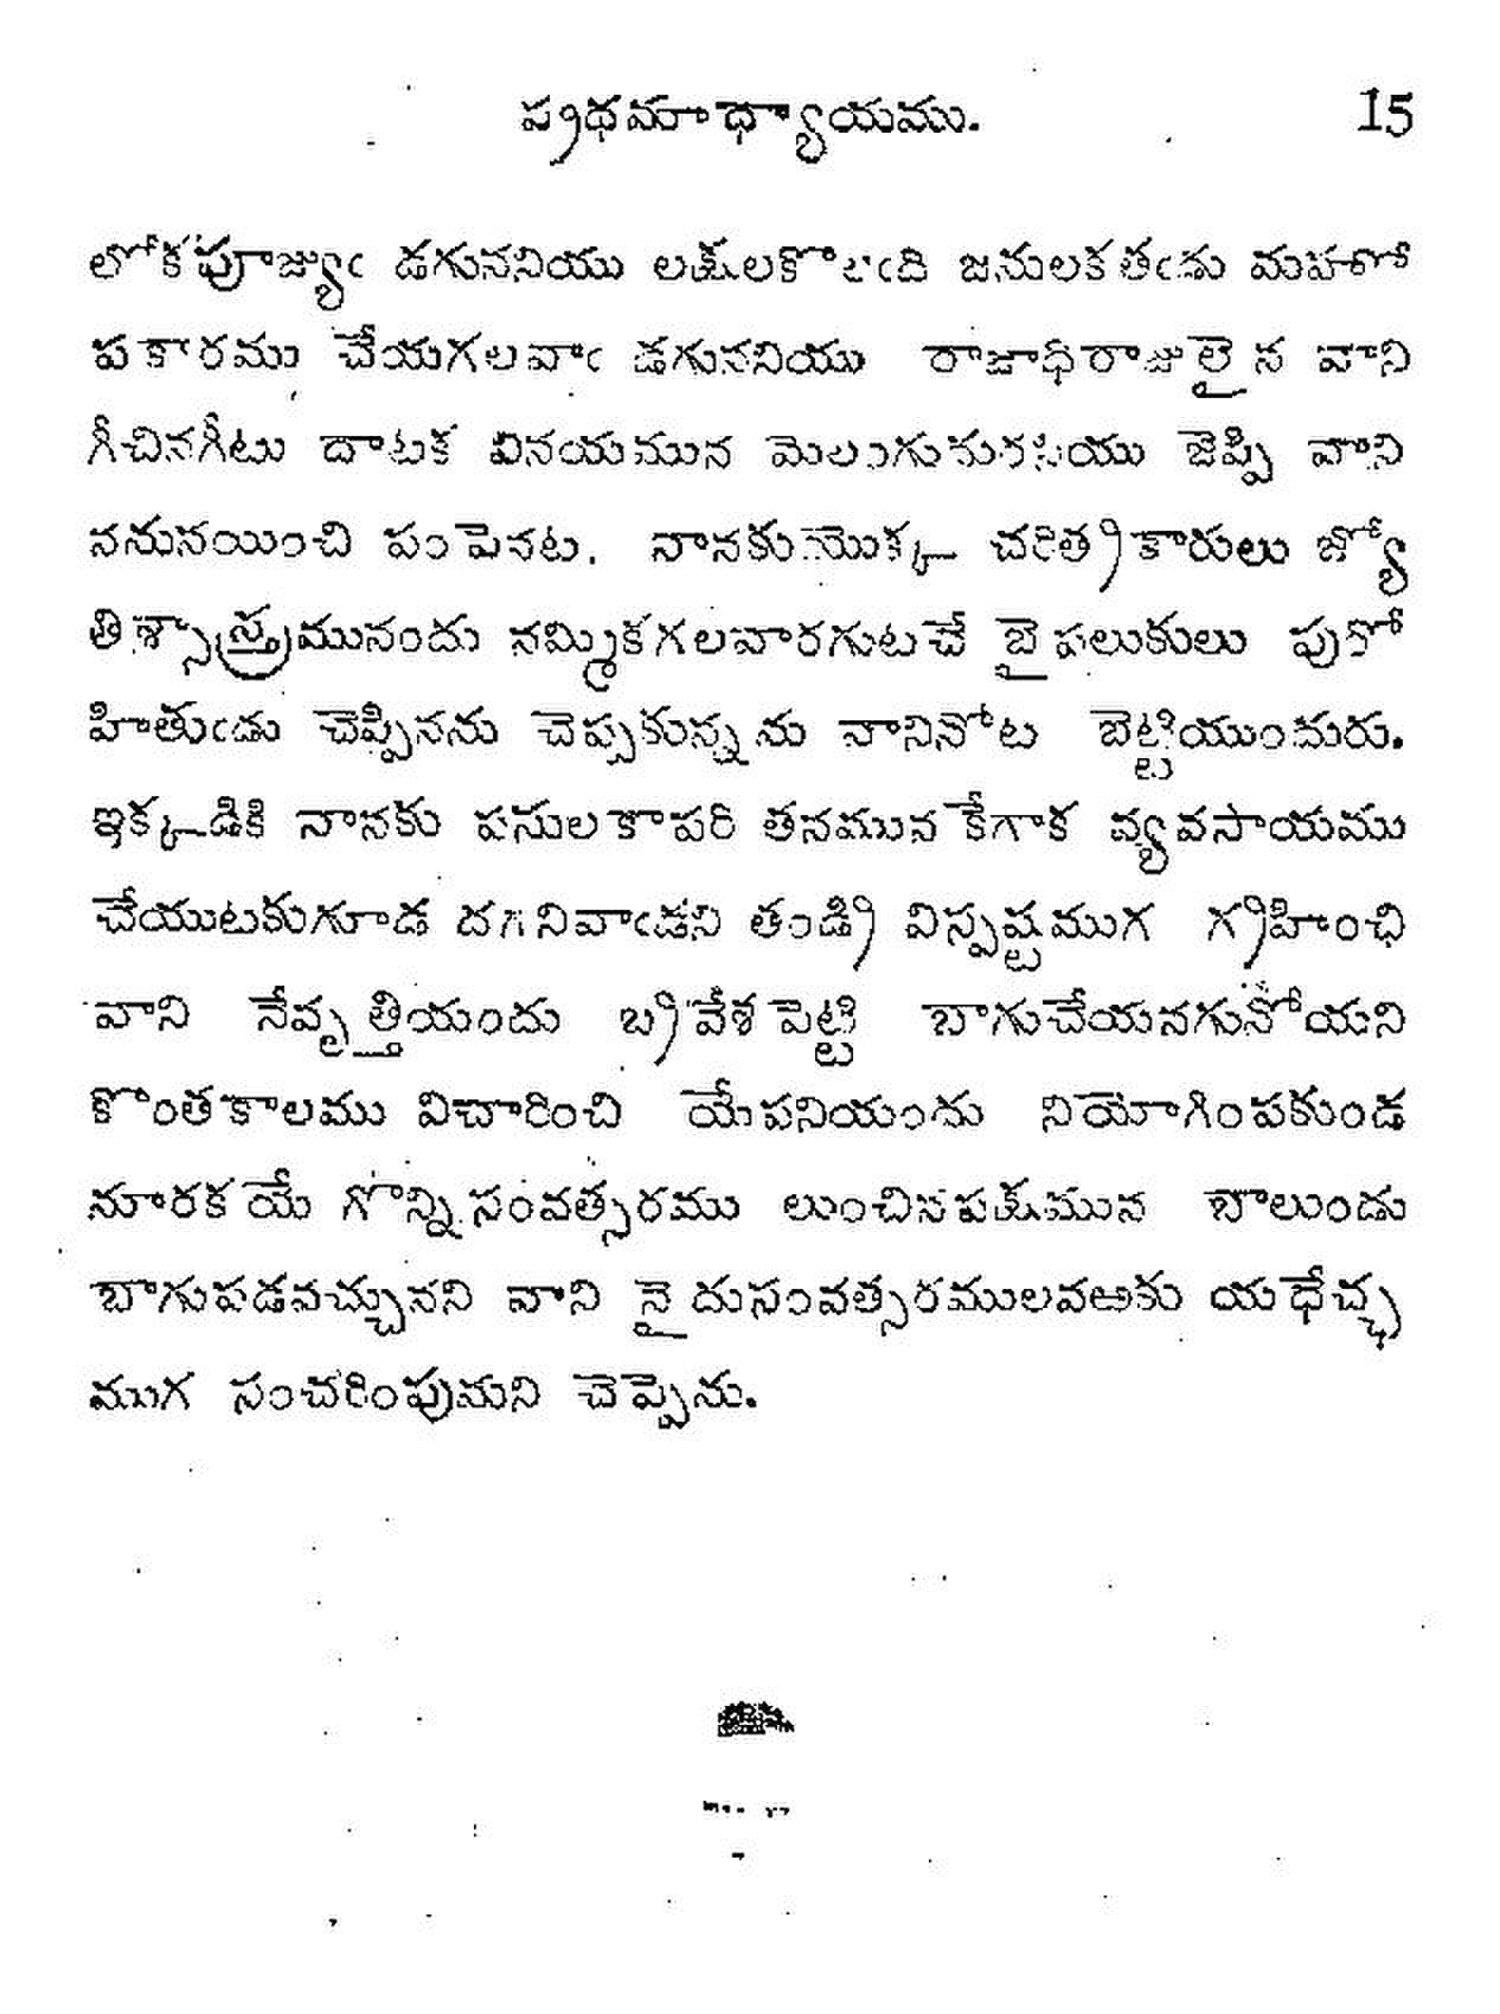లోకపూజ్యు డగుననియు లక్షలకొలది జనులకతడు మహోపకారము చేయగలవా డగుననియు రాజాధిరాజులైన వాని గీచినగీటు దాటక వినయమున మెలంగుదురనియు జెప్పి వాని ననునయించి పంపెనట. నానకుయొక్క చరిత్రకారులు జ్యోతిశ్సాస్త్రమునందు నమ్మికగలవారగుటచే బై పలుకులు పురోహితుడు చెప్పినను చెప్పకున్నను వానినోట బెట్టియుందురు. ఇక్కడికి నానకు పసులకాపరి తనమున కేగాక వ్యవసాయము చేయుటకుగూడ దగనివాడని తండ్రి విస్పష్టముగ గ్రహించి వాని నేవృత్తియందు బ్రవేశపెట్టి బాగుచేయనగునోయని కొంతకాలము విచారించి యేపనియందు నియోగింపకుండ నూరకయే గొన్నిసంవత్సరము లుంచినపక్షమున బాలుండు బాగుపడవచ్చునని వాని నైదుసంవత్సరములవఱకు యధేచ్ఛముగ సంచరింపుమని చెప్పెను.